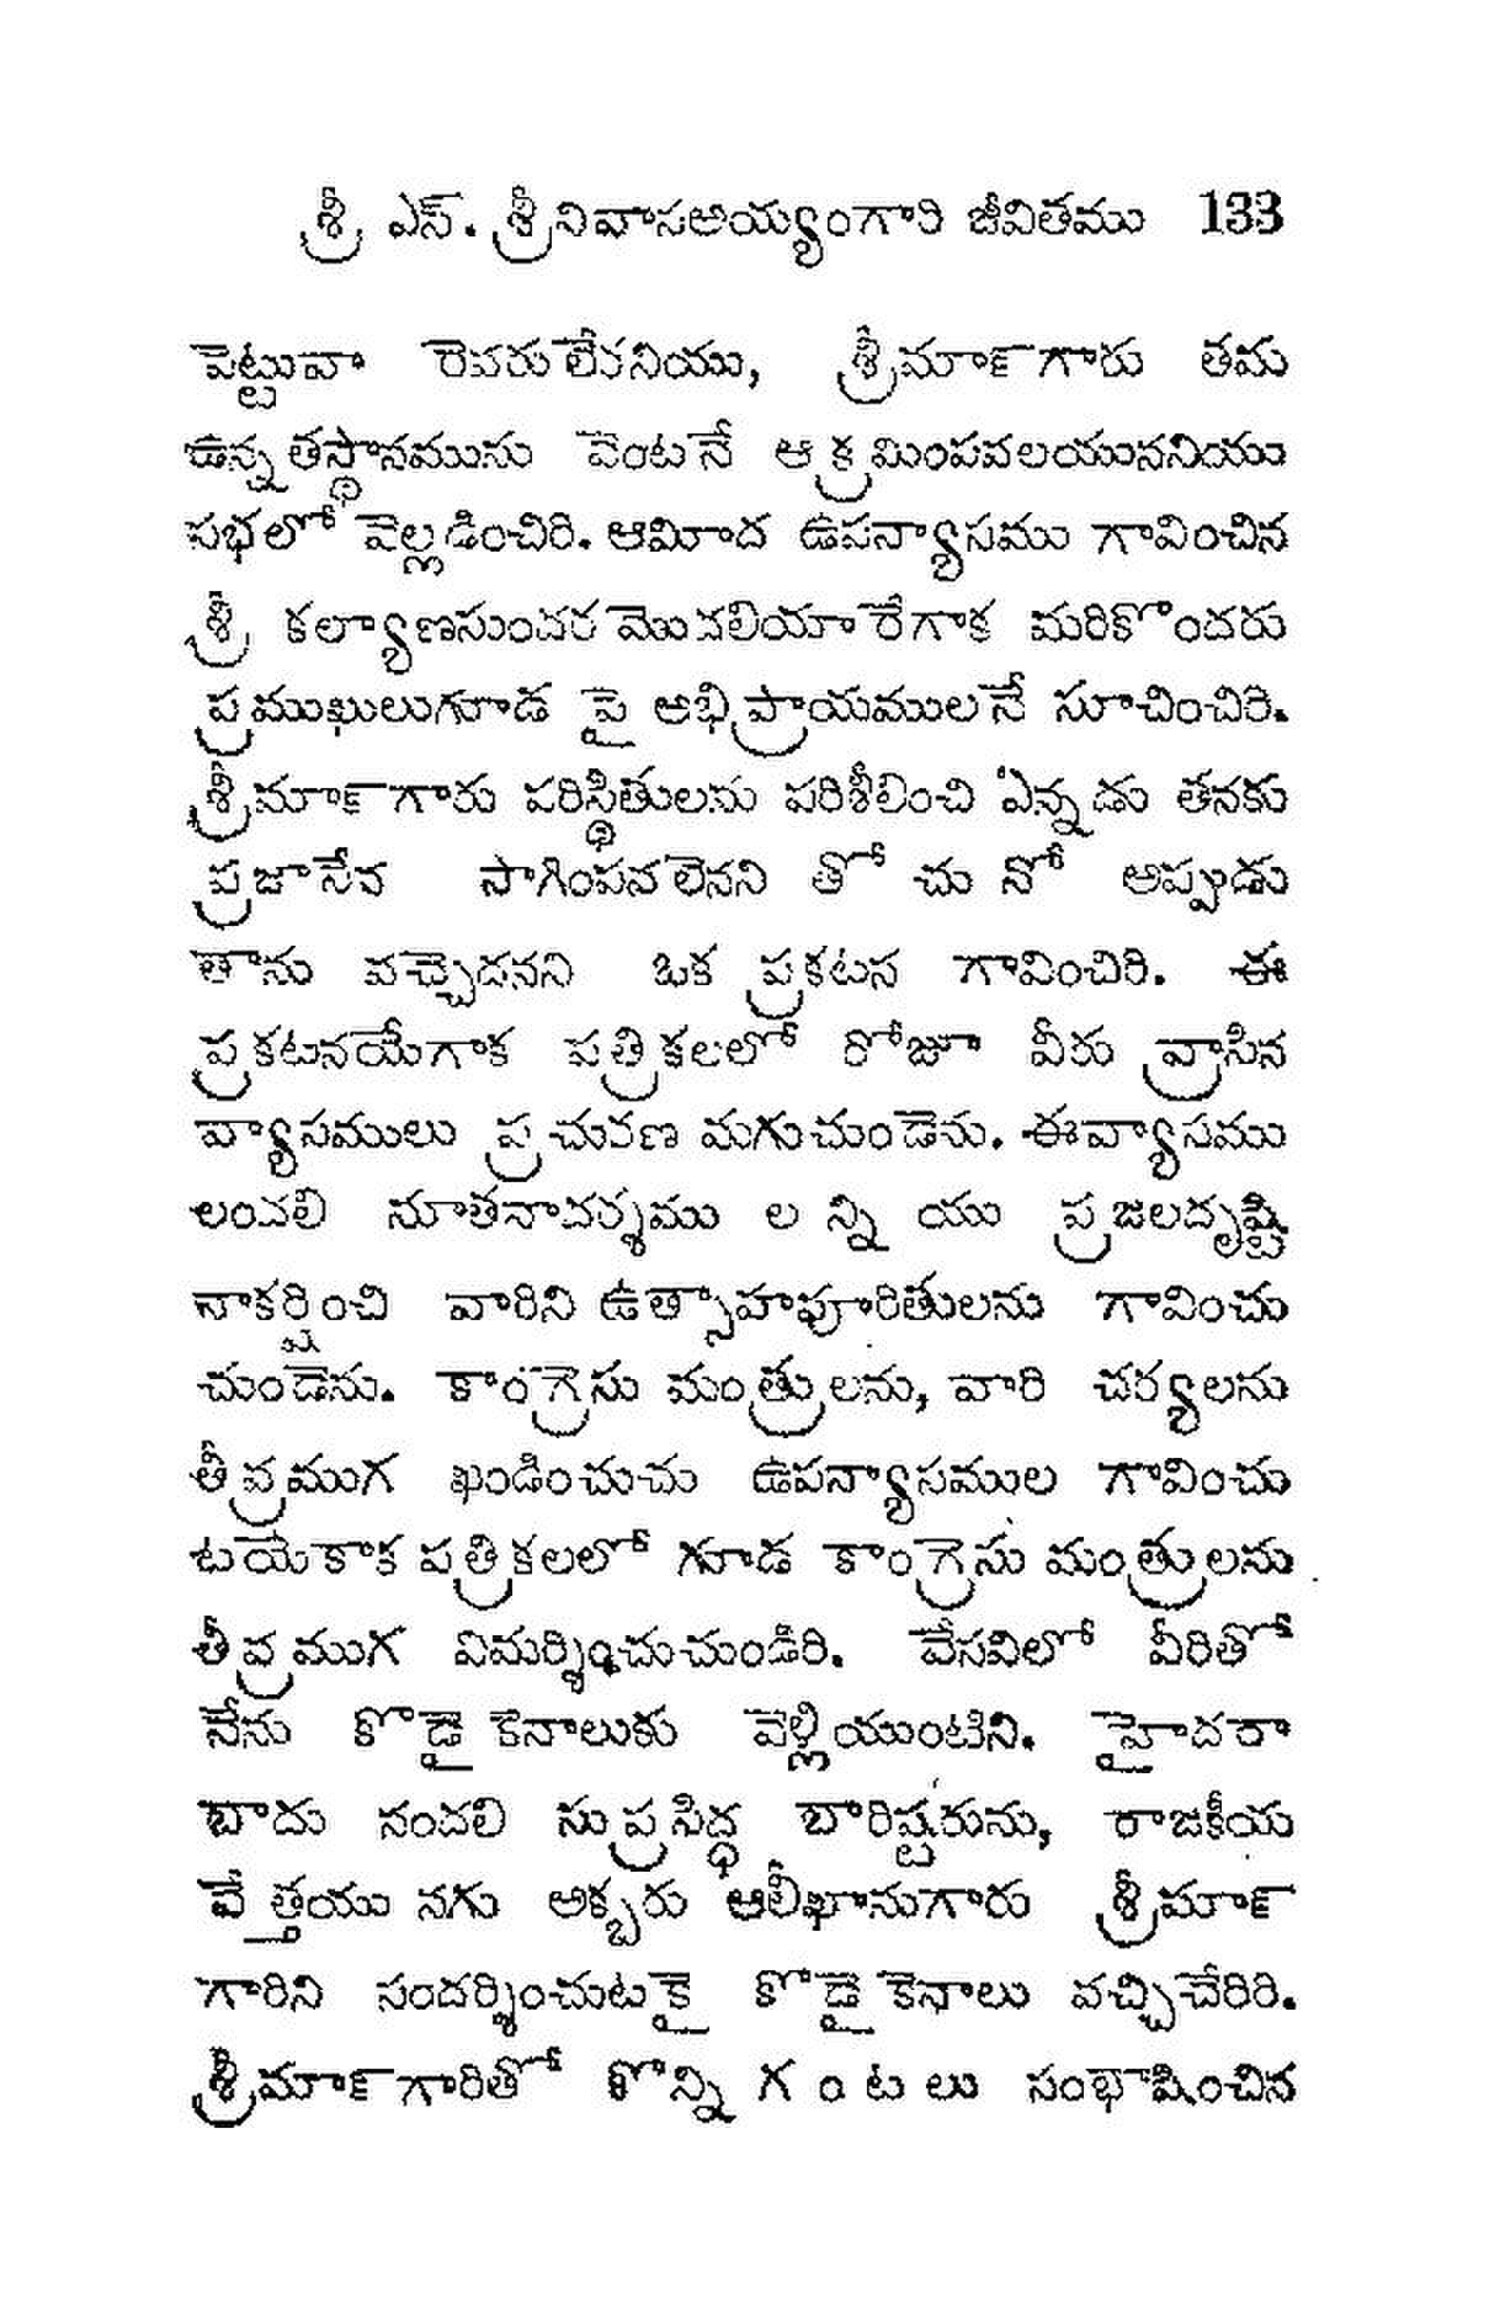పెట్టువా రెవరులేరనియు, శ్రీమా౯గారు తమ ఉన్నతస్థానమును వెంటనే ఆక్రమింపవలయుననియు సభలో వెల్లడించిరి. ఆమీద ఉపన్యాసము గావించిన శ్రీ కల్యాణసుందరమొదలియారేగాక మరికొందరు ప్రముఖులుగూడ పై అభిప్రాయములనే సూచించిరి. శ్రీమా౯గారు పరిస్థితులను పరిశీలించి ఎన్నడు తనకు ప్రజాసేవ సాగింపవలెనని తోచునో అప్పుడు తాను వచ్చెదనని ఒక ప్రకటన గావించిరి. ఈ ప్రకటనయేగాక పత్రికలలో రోజూ వీరు వ్రాసిన వ్యాసములు ప్రచురణ మగుచుండెను. ఈవ్యాసము లందలి నూతనాదర్శము లన్నియు ప్రజలదృష్టి నాకర్షించి వారిని ఉత్సాహపూరితులను గావించుచుండెను. కాంగ్రెసు మంత్రులను, వారి చర్యలను తీవ్రముగ ఖండించుచు ఉపన్యాసముల గావించుటయేకాక పత్రికలలో గూడ కాంగ్రెసు మంత్రులను తీవ్రముగ విమర్శించుచుండిరి. వేసవిలో వీరితో నేను కొడై కెనాలుకు వెళ్లియుంటిని. హైదరాబాదు నందలి సుప్రసిద్ద బారిష్టరును, రాజకీయ వేత్తయు నగు అక్బరు ఆలీఖానుగారు శ్రీమా౯గారిని సందర్శించుటకై కొడై కెనాలు వచ్చిచేరిరి. శ్రీమా౯గారితో కొన్ని గంటలు సంభాషించిన